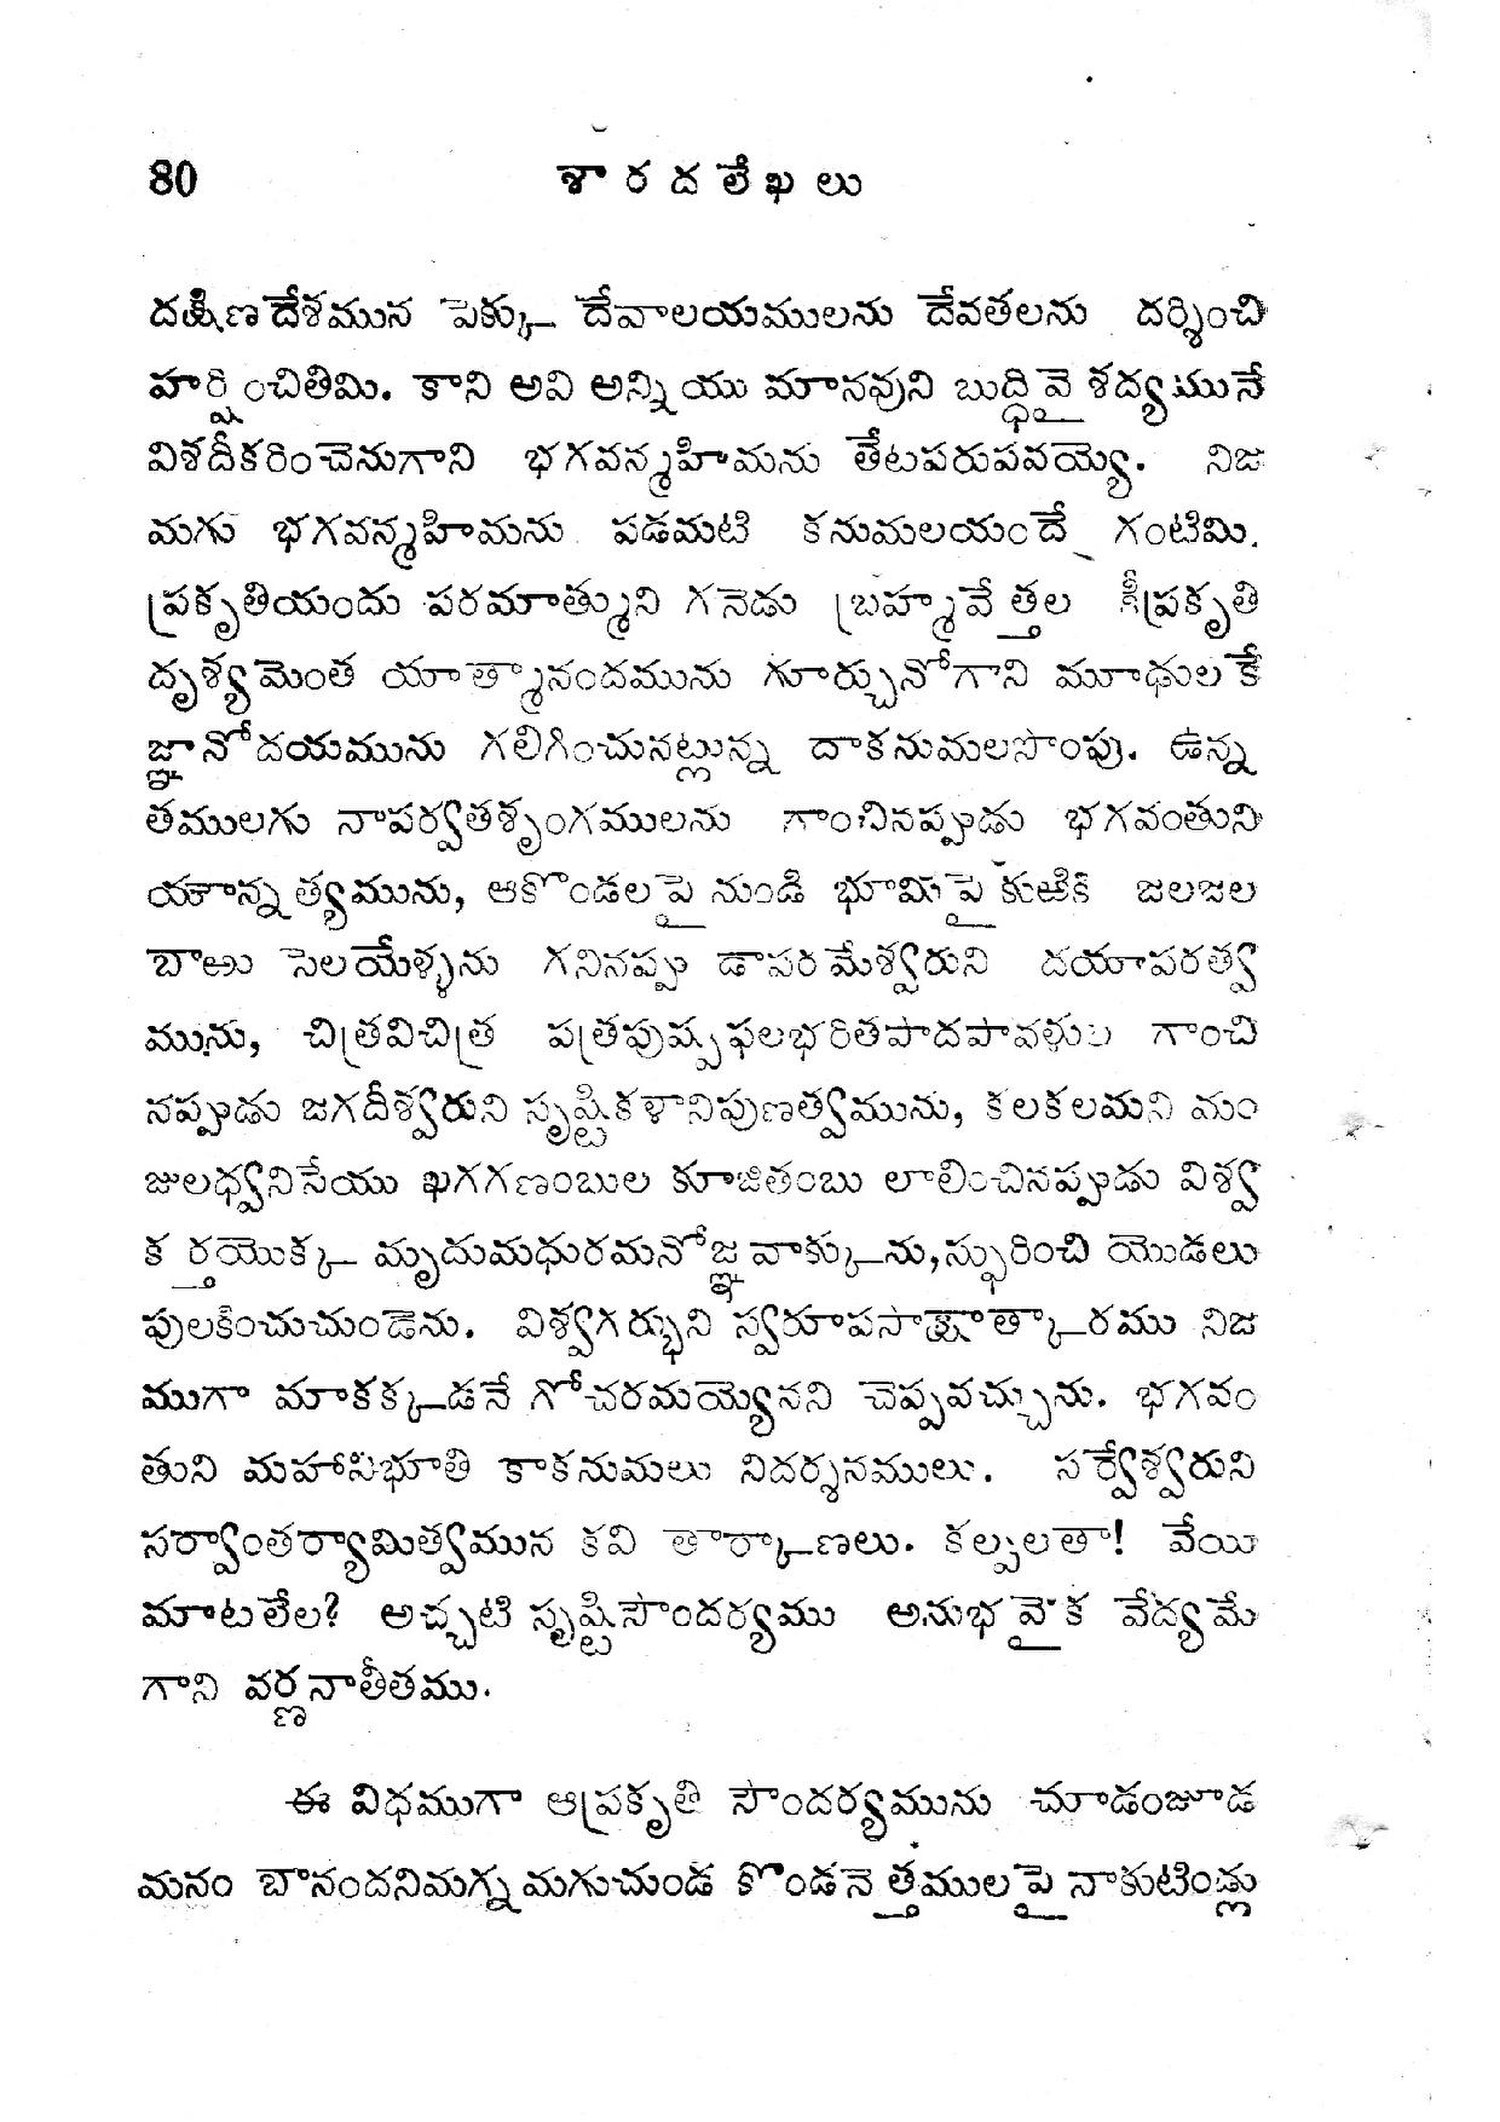దక్షిణదేశమున పెక్కు దేవాలయములను దేవతలను దర్శించి హర్షించితిమి. కాని అవి అన్నియు మానవుని బుద్ధివైశద్యమునే విశదీకరించెనుగాని భగవన్మహిమను తేటపరుపవయ్యె. నిజమగు భగవన్మహిమను పడమటి కనుమలయందే గంటిమి. ప్రకృతియందు పరమాత్ముని గనెడు బ్రహ్మవేత్తల కీప్రకృతి దృశ్యమెంత యాత్మానందమును గూర్చునోగాని మూఢులకే జ్ఞానోదయమును గలిగించునట్లున్న దాకనుమలసొంపు. ఉన్నతములగు నాపర్వతశృంగములను గాంచినప్పుడు భగవంతుని యౌన్నత్యమును, ఆకొండలపై నుండి భూమిపైకుఱికి జలజల బాఱు సెలయేళ్ళను గనినప్పు డాపరమేశ్వరుని దయాపరత్వమును, చిత్రవిచిత్ర పత్రపుష్పఫలభరితపాదపావళుల గాంచినప్పుడు జగదీశ్వరుని సృష్టికళానిపుణత్వమును, కలకలమని మంజులధ్వనిసేయు ఖగగణంబుల కూజితంబు లాలించినప్పుడు విశ్వకర్తయొక్క మృదుమధురమనోజ్ఞ వాక్కును, స్ఫురించి యొడలు పులకించుచుండెను. విశ్వగర్భుని స్వరూపసాక్షాత్కారము నిజముగా మాకక్కడనే గోచరమయ్యెనని చెప్పవచ్చును. భగవంతుని మహావిభూతి కాకనుమలు నిదర్శనములు. సర్వేశ్వరుని సర్వాంతర్యామిత్వమున కవి తార్కాణలు. కల్పలతా! వేయిమాటలేల? అచ్చటి సృష్టిసౌందర్యము అనుభవైక వేద్యమే గాని వర్ణనాతీతము.

ఈ విధముగా ఆప్రకృతి సౌందర్యమును చూడంజూడ మనం బానందనిమగ్నమగుచుండ కొండనెత్తములపై నాకుటిండ్లు